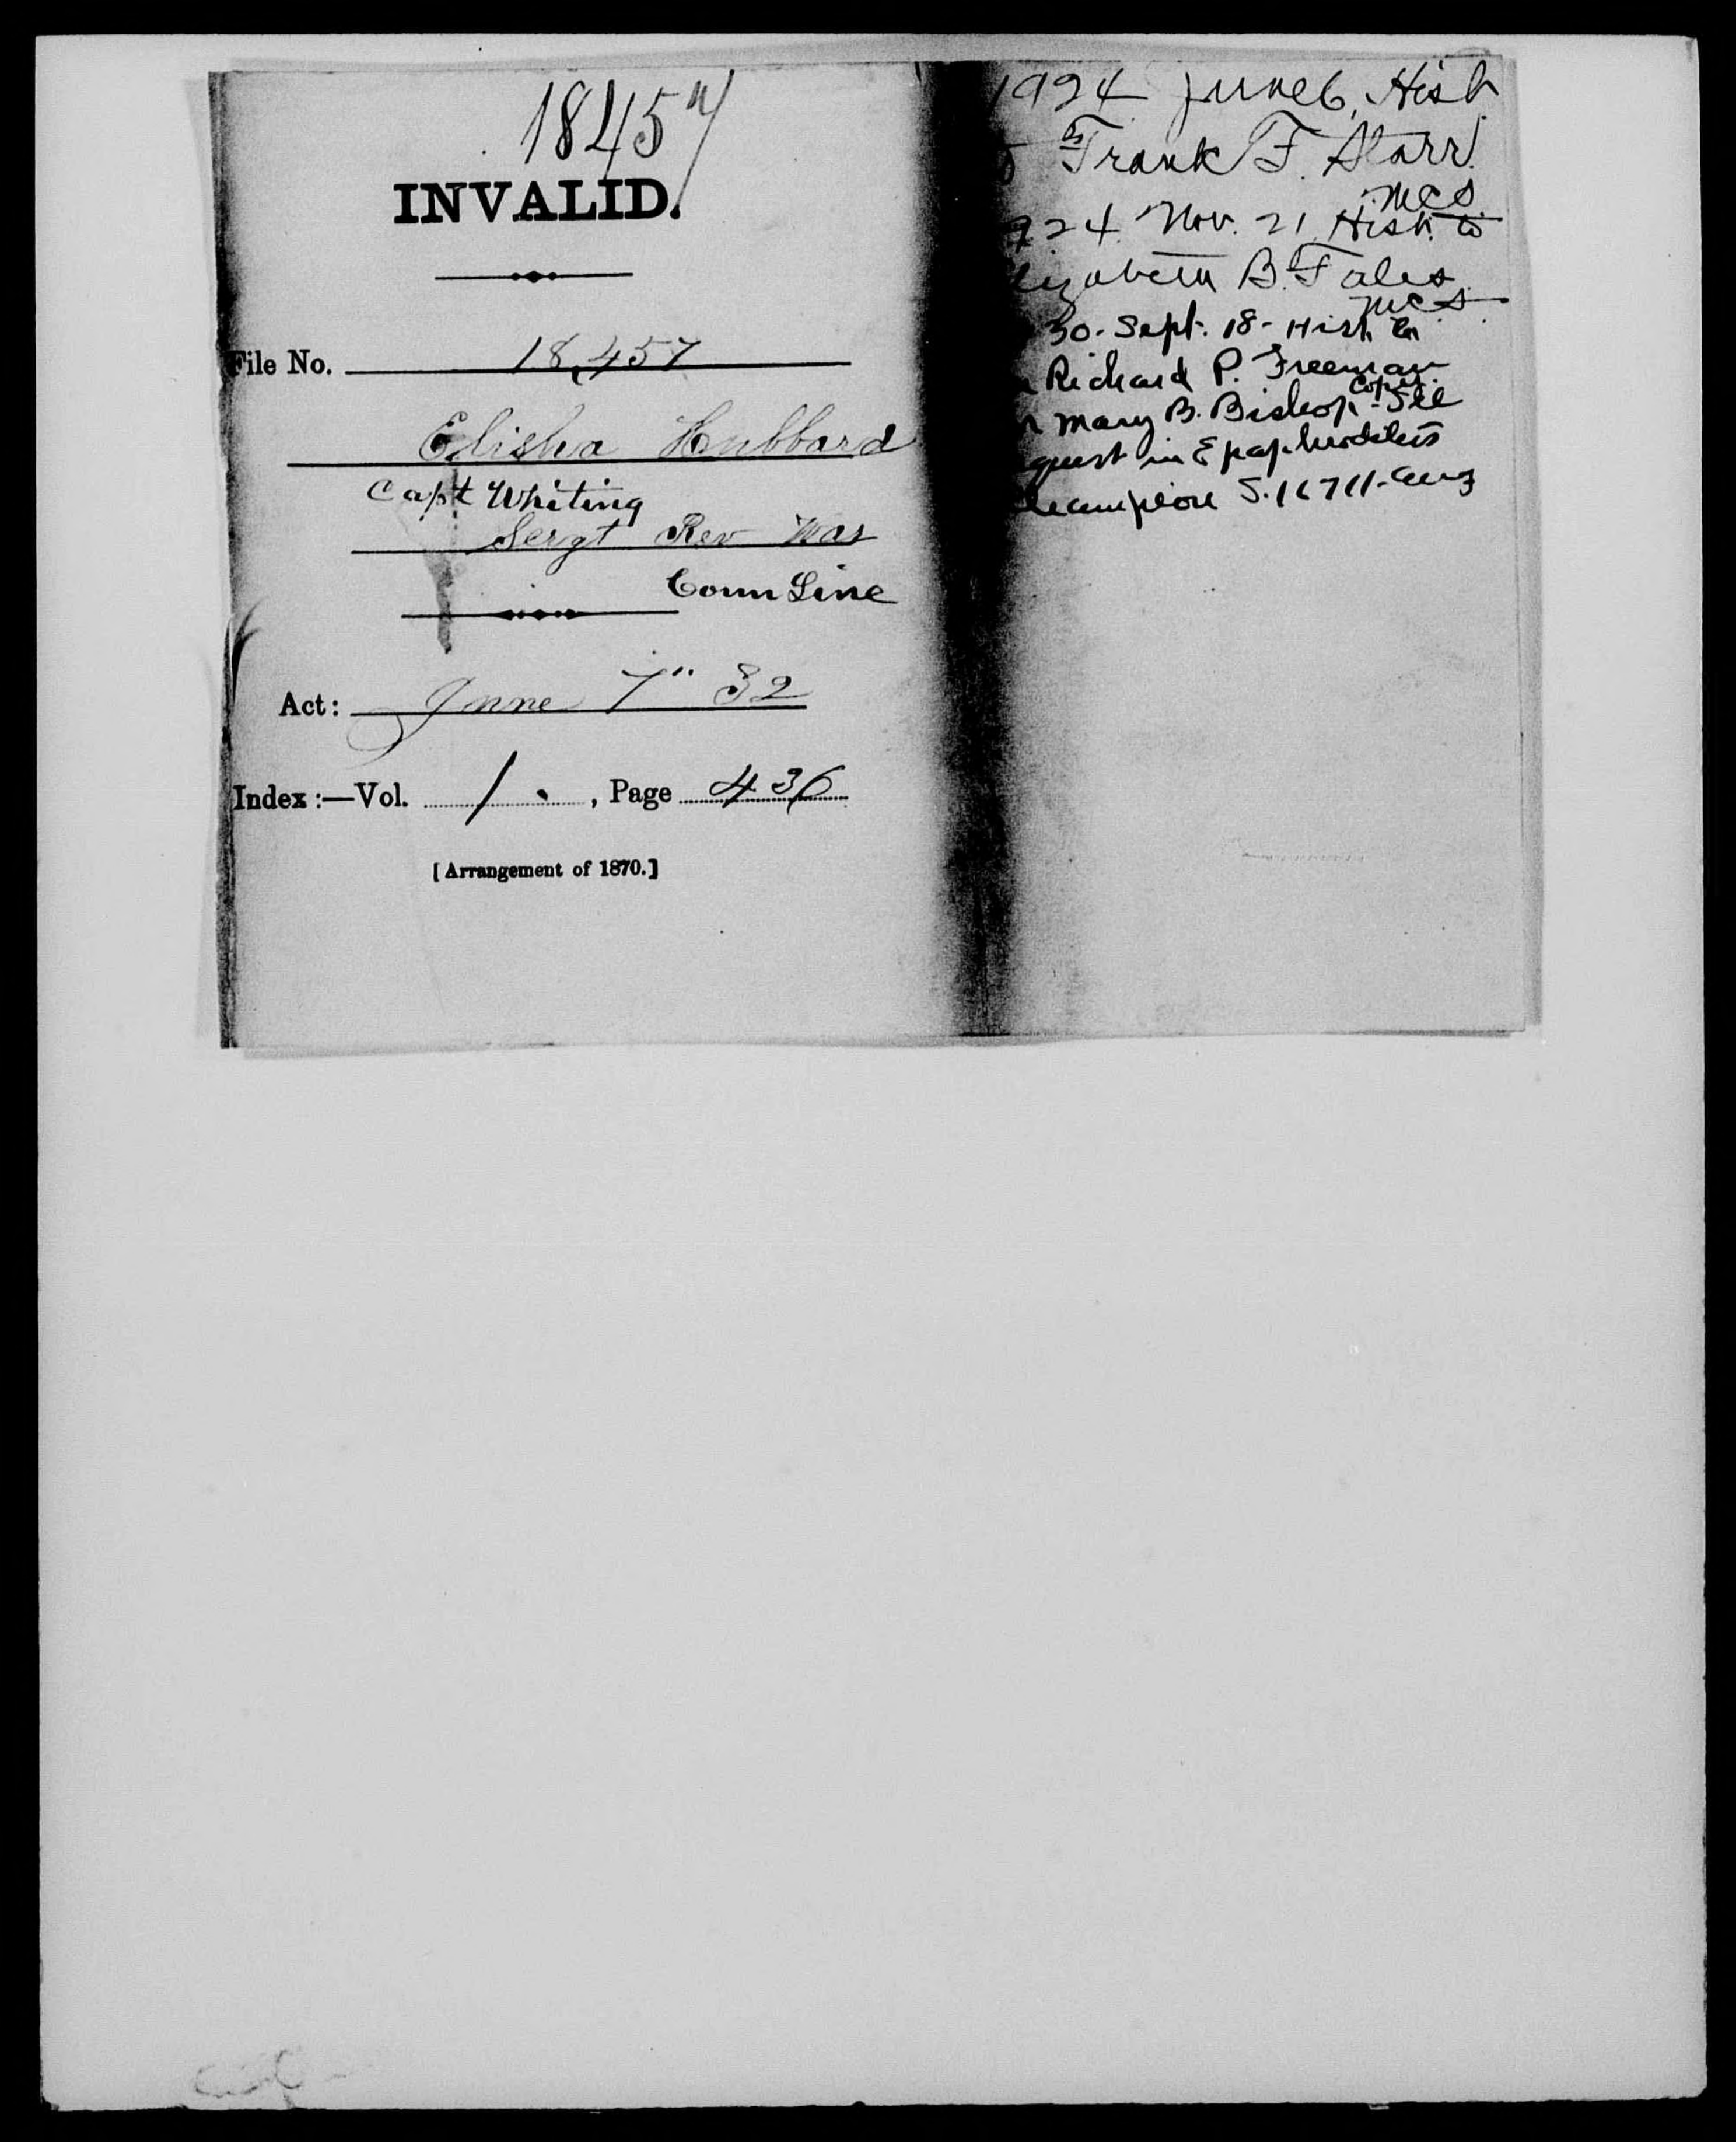18457

File No.   18457

Elisha Hubbard
Capt Whiting
Sergt Rev War
Conn Line

Act: June 7th 32

Index:  Vol 1, Page 436

{Arrangement of 1870.}


1924  June 6, Hist 
Frank F Starr.
1924 Nov. 21  Hist to 
Elizabeth B. Fales
(smudged) Richard P. Freeman
(smudged) Mary B. Bishop  Copy (?)
(smudged) quest in E (?)
(?) S 16711 - Aug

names: Elisha Hubbard, Frank F Starr, Elizabeth B Fales, Whiting, Mary B Bishop, Richard P Freeman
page: 63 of 63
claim: survivor's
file: S. 18457, Elisha Hubbard, Conn. Continental